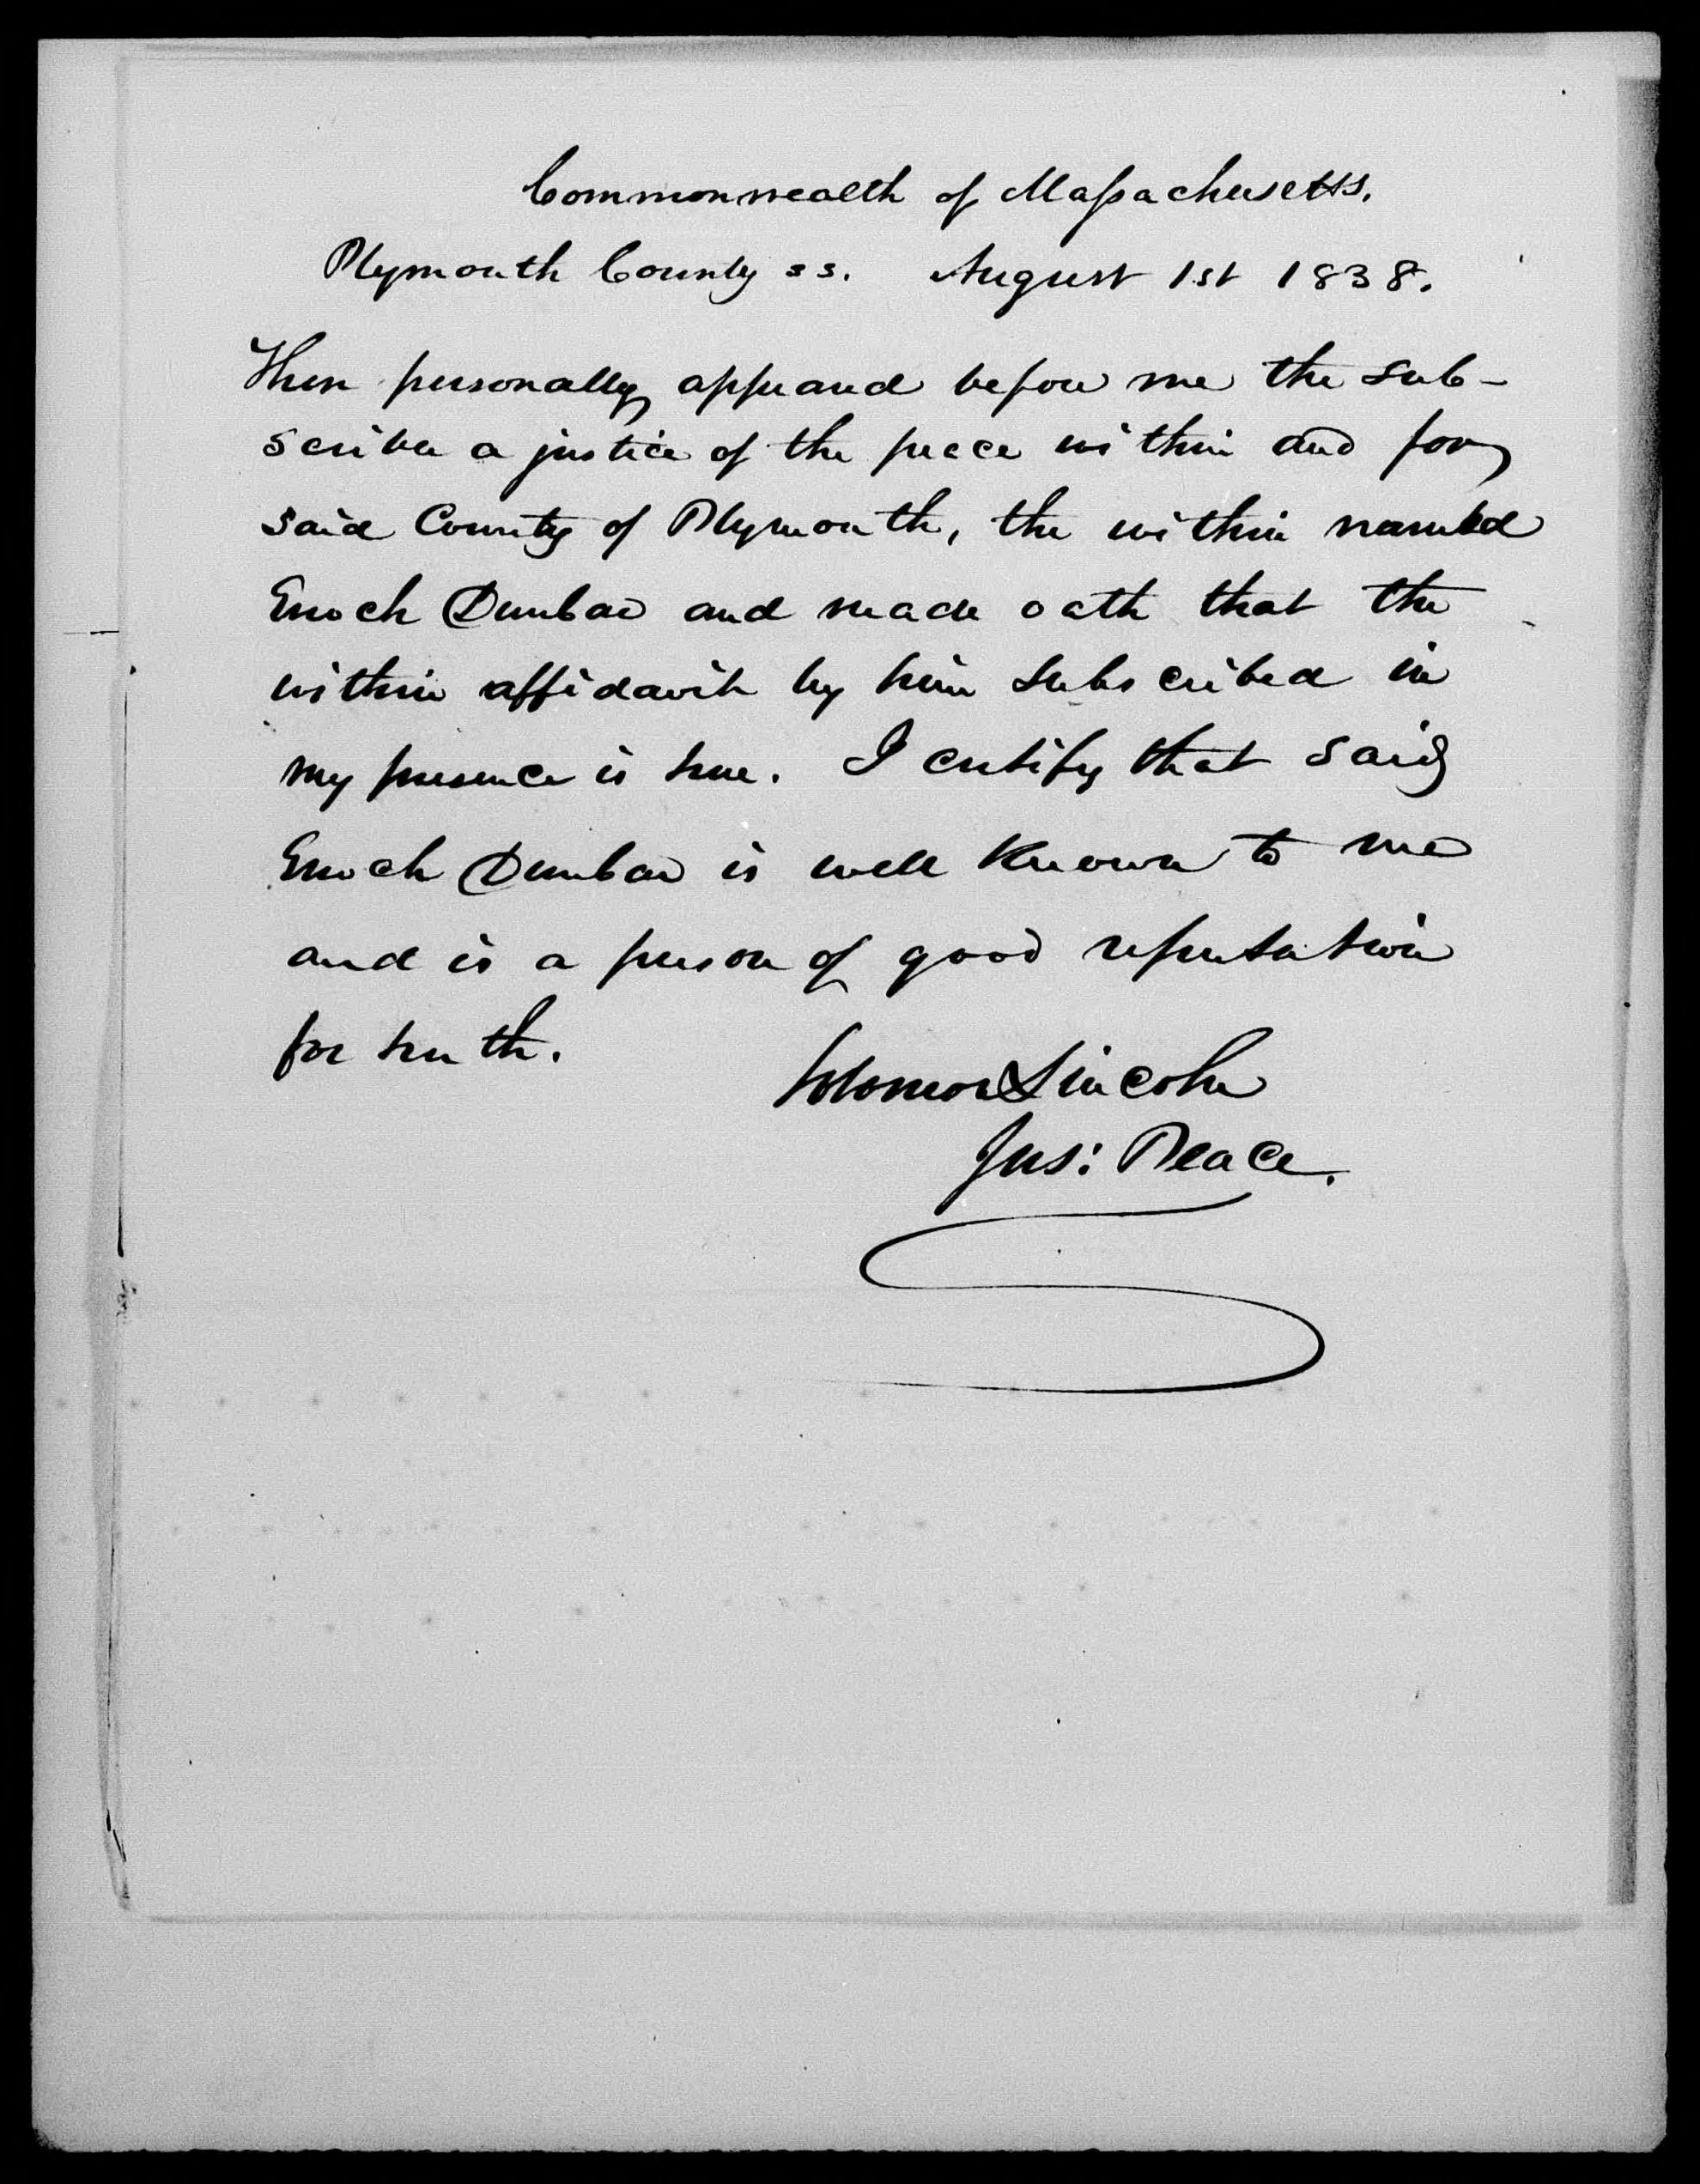Commonwealth of Massachusetts 
Plymouth County ss.  August 1st, 1838

Then personally appeared before me the subscriber a Justice of the Peace within and for said County of Plymouth, the within named Enoch Dunbar and made oath that the within affidavit by him subscribed in my presence is here.  I certify that said Enoch Dunbar is well known to me and is a person of good reputation for the truth.

Solomon Lincoln 
Justice of the Peace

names: Enoch Dunbar, Enoch Dunbar, Solomon Lincoln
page: 25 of 26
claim: widow's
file: W. 14657, Melzar Dunbar, Mass.